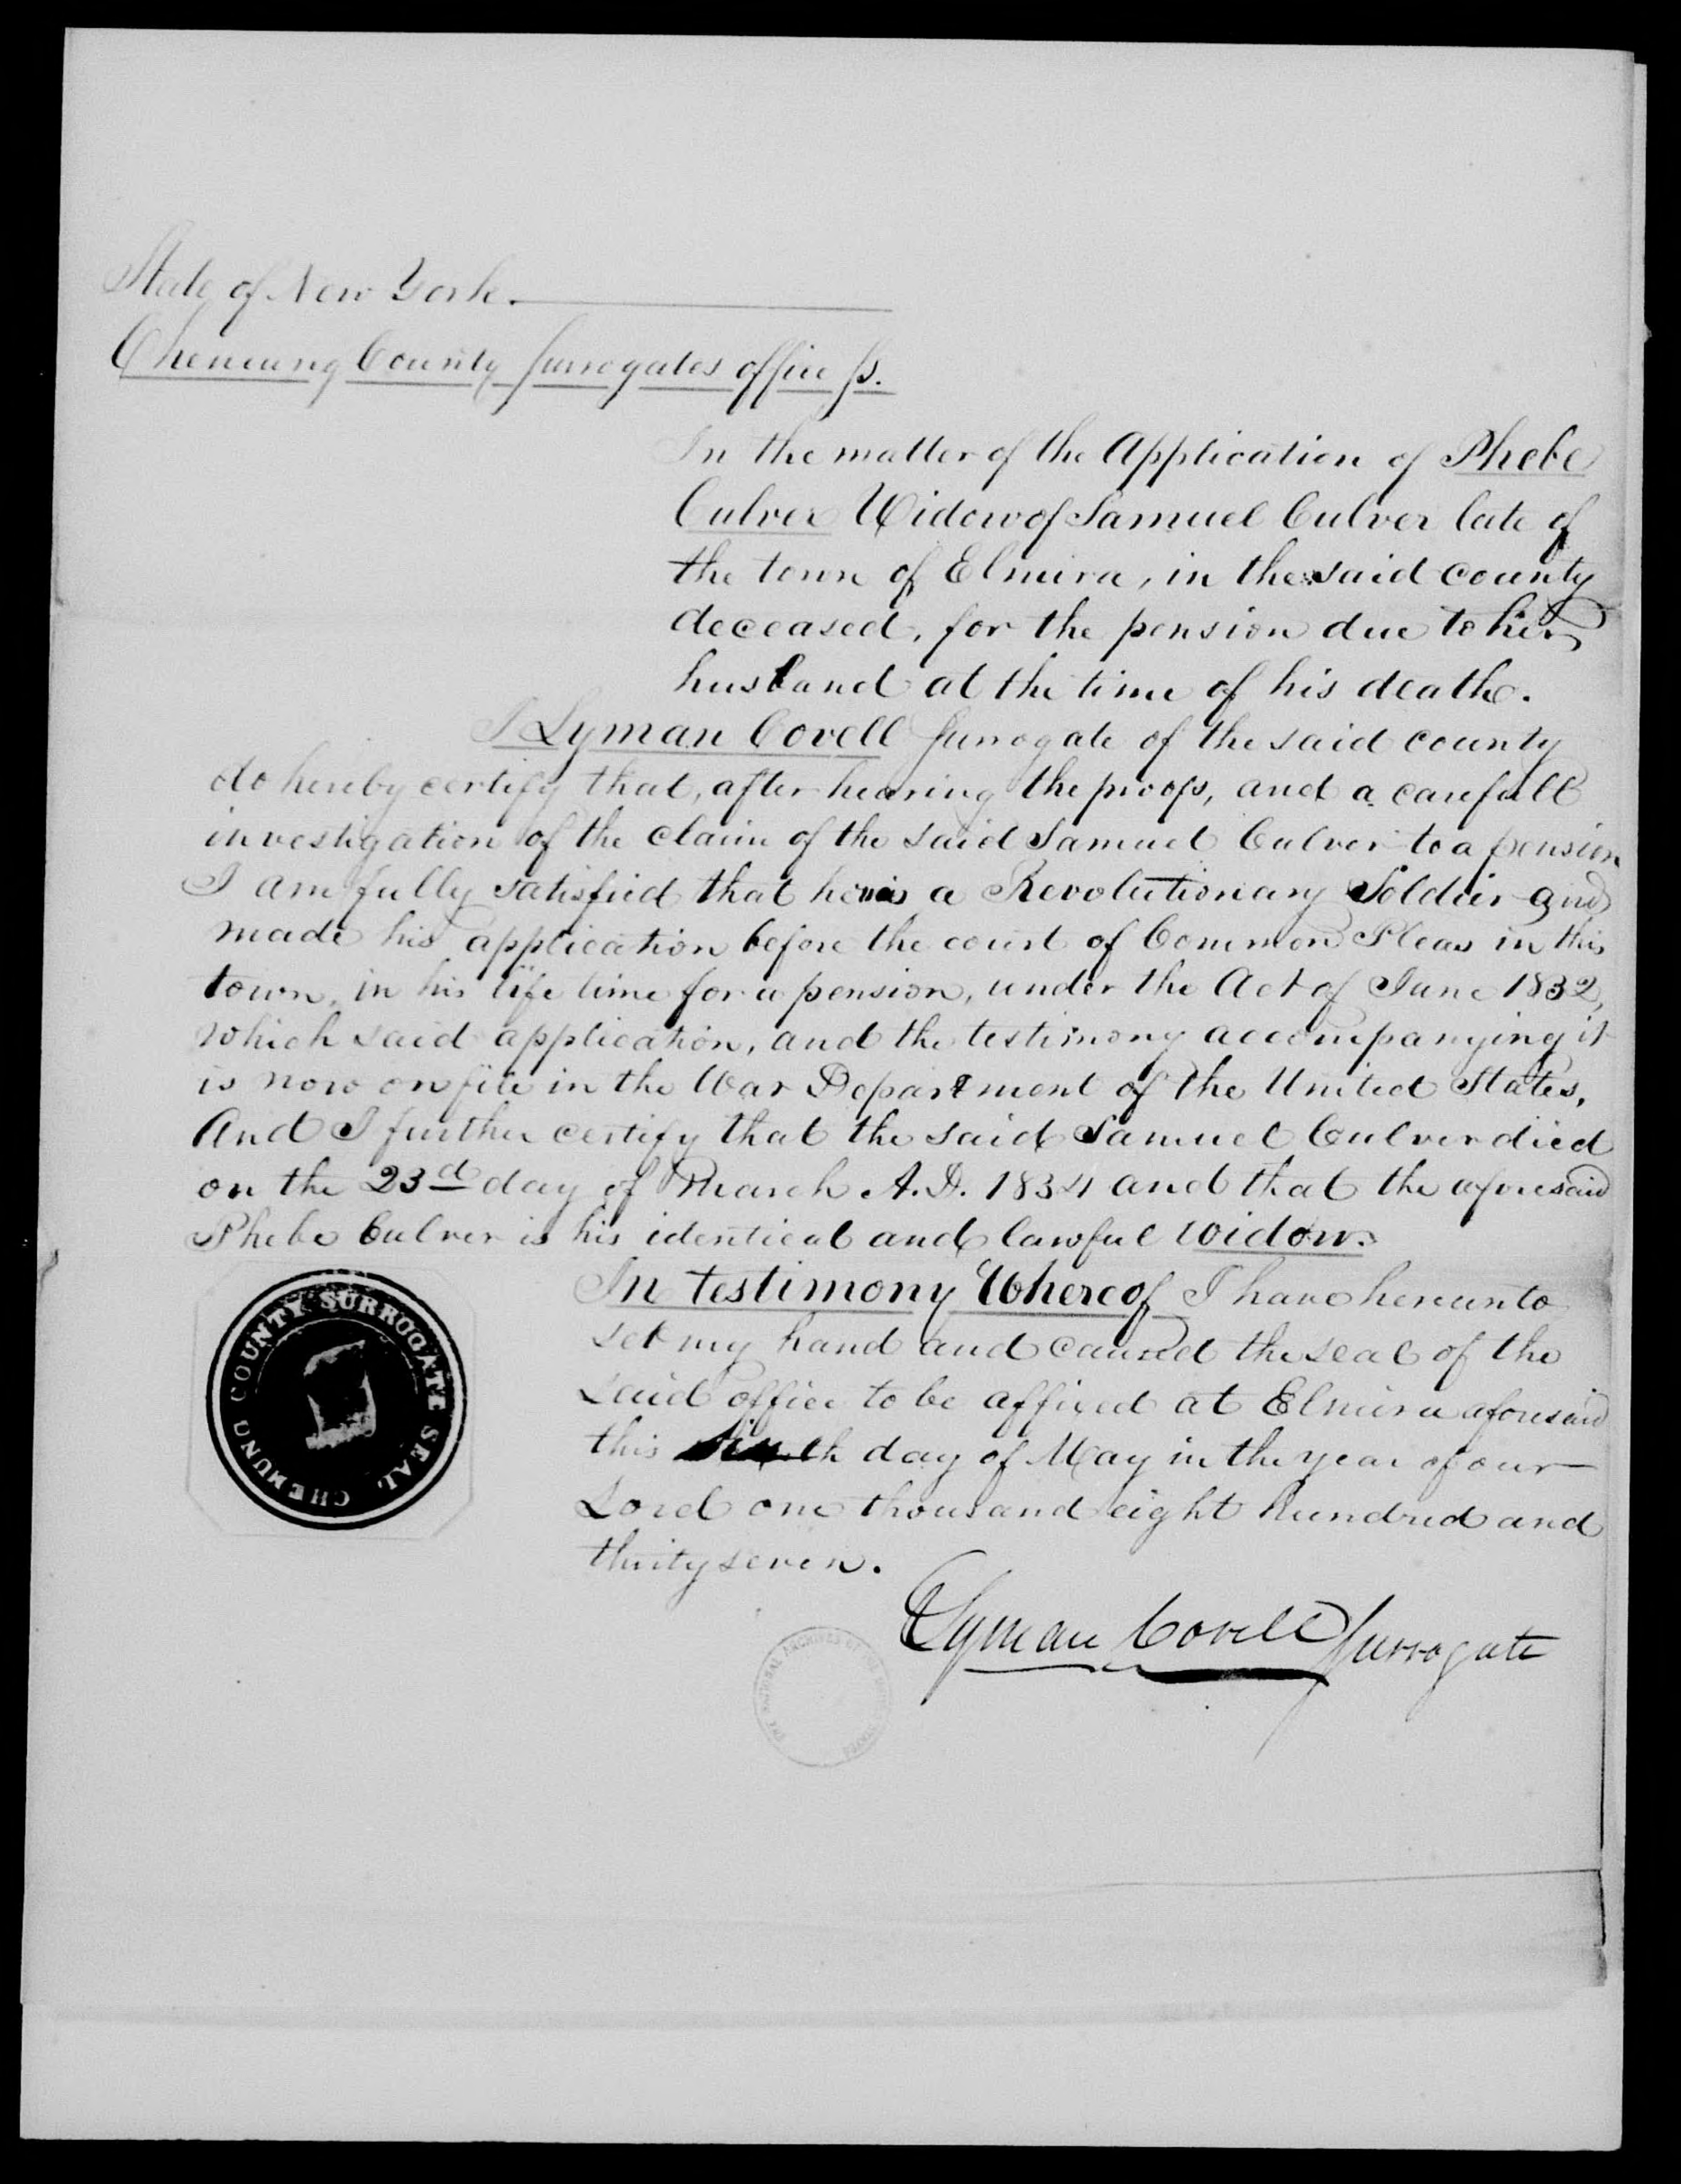State of New York ______________
Chemung County Surrogates office ss.

			In the mater of the Application of Phebe
			Culver Widow of Samuel Culver late of
			the town of Elmira, in the said county
			deceased, for the pension due to her
			husband at the time of his death.
	I Lyman Covell Surrogate of the said county
do hereby certify that after hearing the proofs, and a carefull (sic)
investigation of the claim of the said Samuel Culver to a pension
I am fully satisfied that he was a Revolutionary Soldier and
made his application before the court of Common Pleas in this
town, in his life time (sic)for a pension, under the Act of June 1832
which said application and the testimony accompanying it 
is now on file in the War Department of the United States,
And I further certify that the said Samuel Culver died
on the 23rd day of March A.D. 1832 and that the aforesaid
Phebe Culver is his identical and lawful widow.

		In testimony whereof I have hereunto
		set my hand and caused the seal of the
		said office to be affixed at Elmira aforesaid
		this sixth day of May in the year of our 
		Lord one thousand eight hundred and
		thirty seven.
		
		Lyman Covell [signature] Surrogate

[seal – Chemung County Surrogate Seal]

[stamp – The National Archives of the United States]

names: Phebe Culver, Phebe Culver, Samuel Culver, Lyman Covell, Samuel Culver, Lyman Covell, Samuel Culver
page: 21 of 40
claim: rejected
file: R. 1,570, Samuel Culver, New Jersey